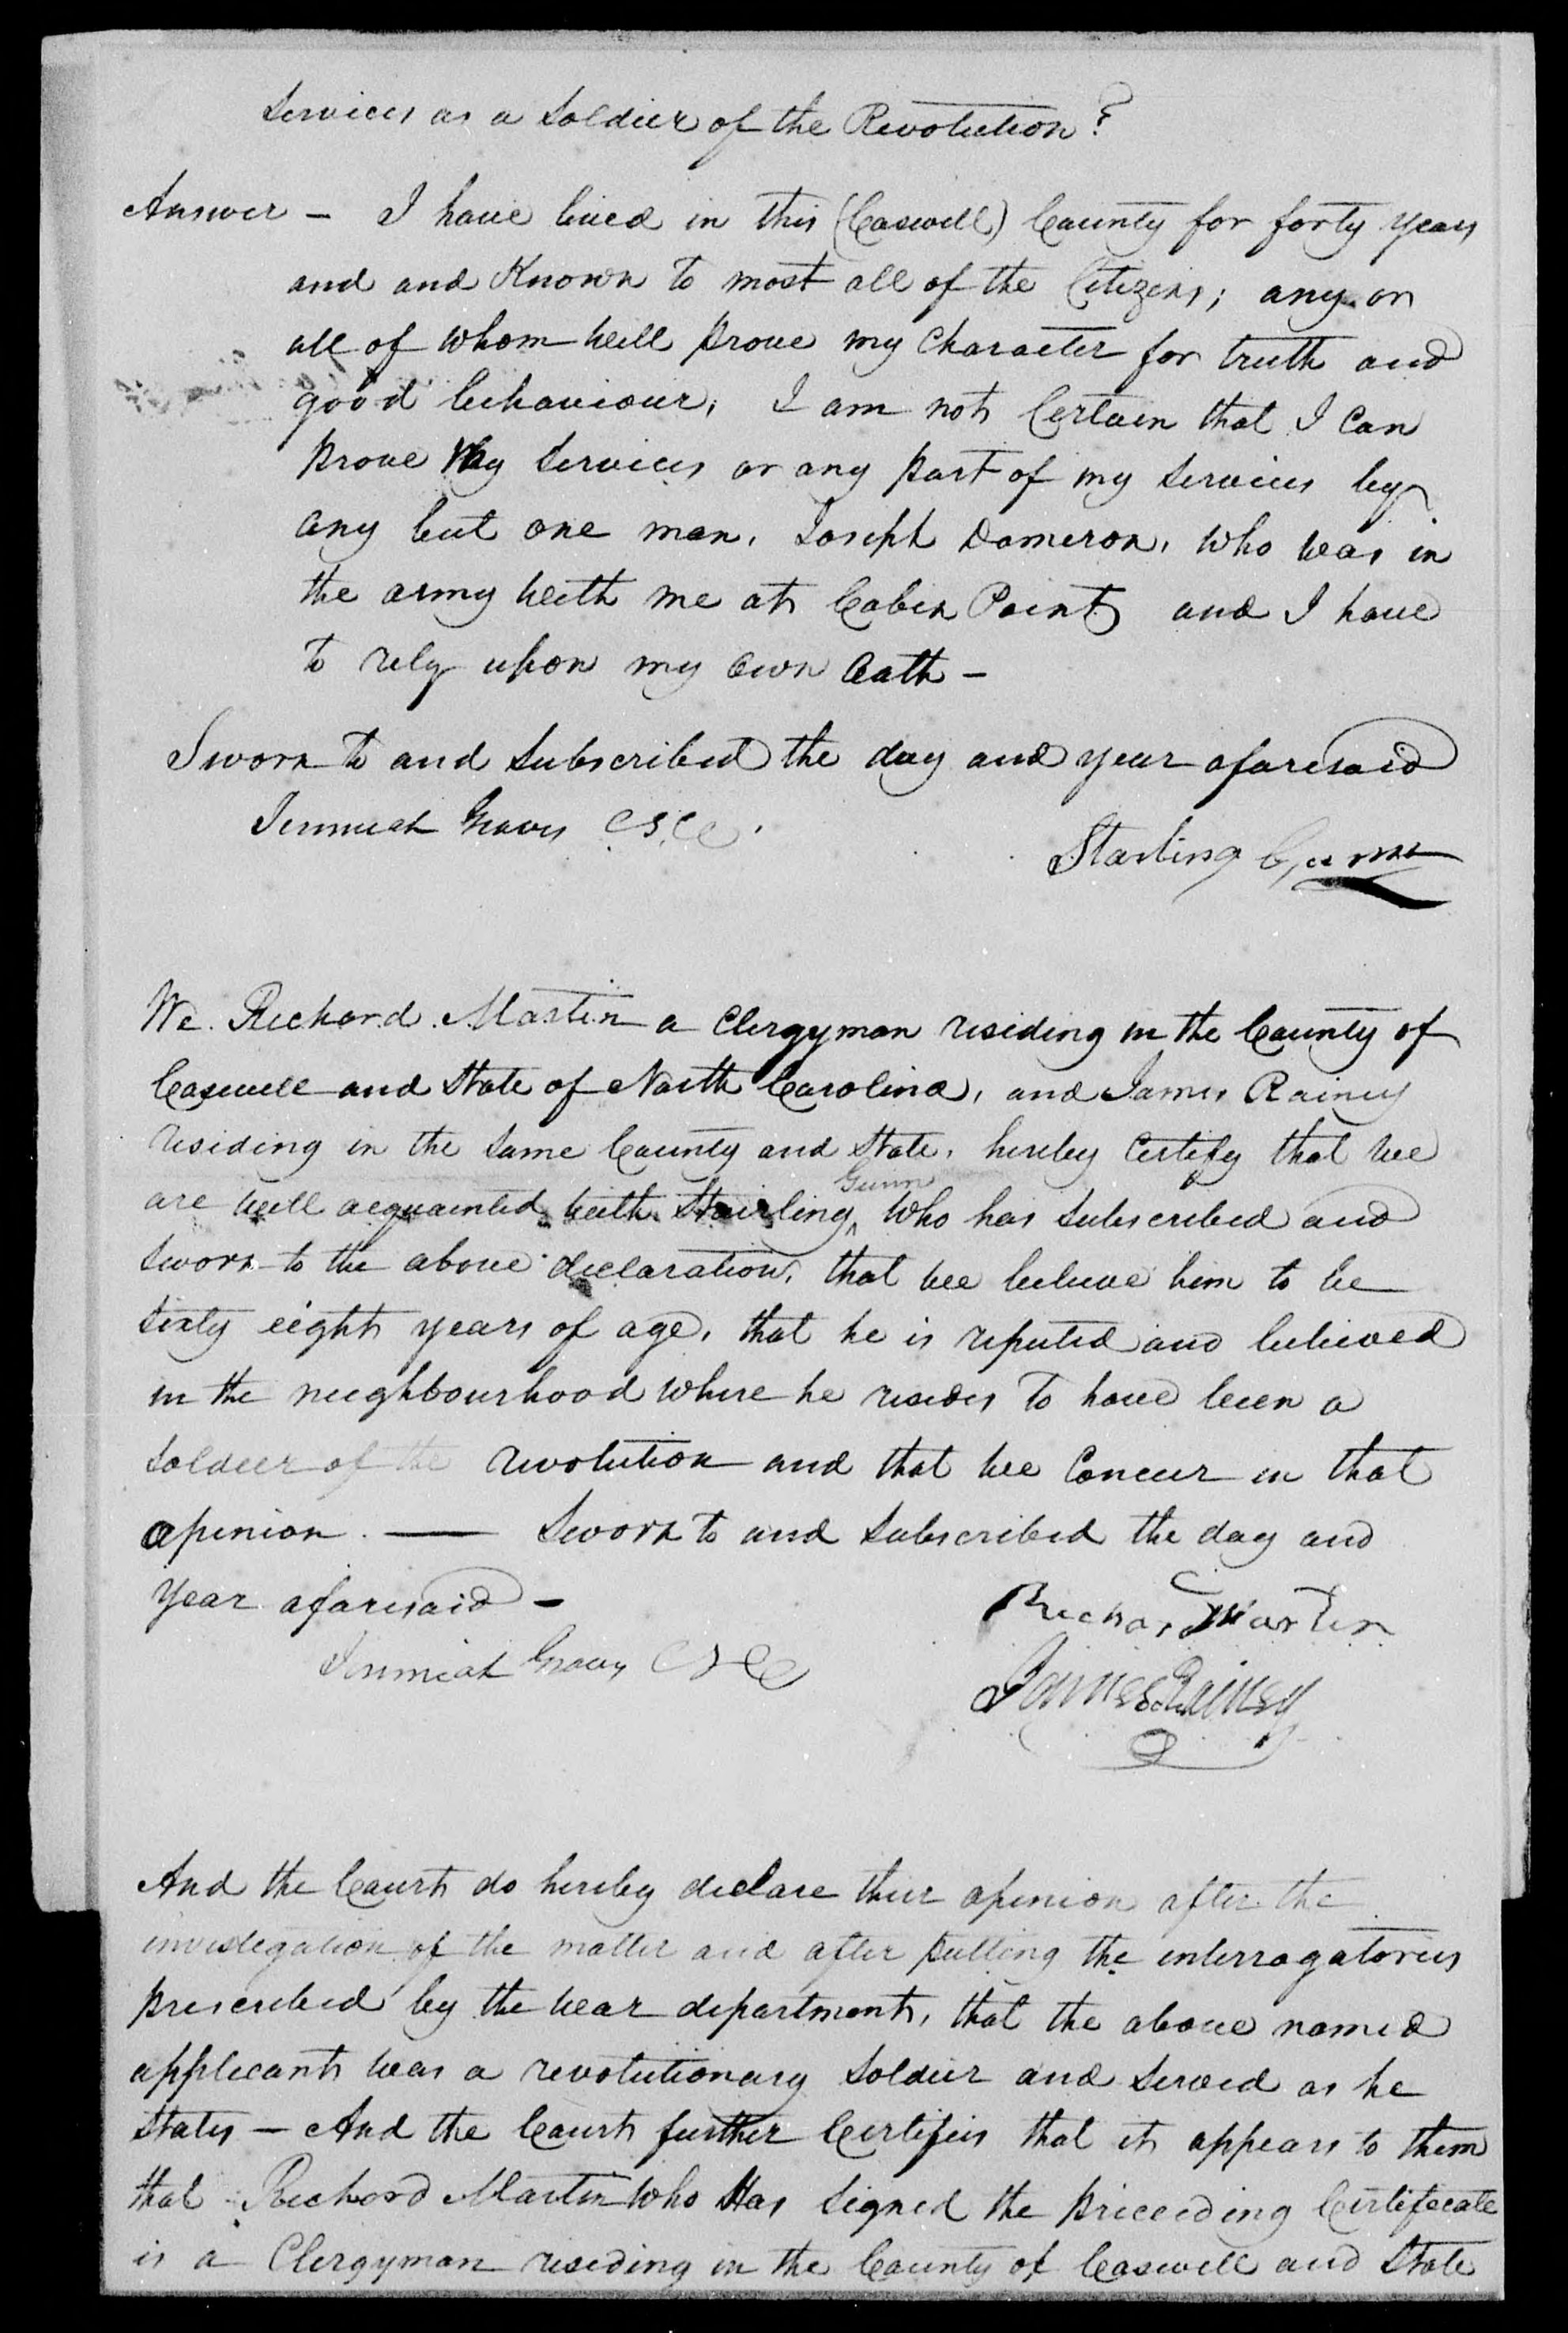services as a Soldier of the Revolution?
Answer—  I have lived in this (Castell) County for forty years and and Known to most all of the Citizens; any or all of whom will prove my character for truth and good behavior;  I am not Certain that I can prove my services or any part of my services by any but one man, Joseph Dameron, who was in the army with me at Cabin Point and I have to rely upon my own oath— 
Sworn to and Subscribed the day and year aforesaid 
Jeremiah Graves  C.S.C.
Starling Gunn

We. Richard Martin a Clergyman residing in the County of Caswell and State of North Carolina, and James Rainey residing in the same County and State, hereby certify that we are well acquainted with Stairling Gunn who has subscribed and sworn to the above declaration, that we believe him to be sixty eight years of age, that he is reputed and believed in the neighbourhood where he resides to have been a soldier of the Revolution and that we concur in that opinion.—
Sworn to and Subscribed the day and Year aforesaid—
Jeremiah Graves CSC
Richard Martin
James Rainey


And the Court do hereby declare their opinion after the investigation of the matter and after putting the interrogatories prescribed by the War department, that the above named applicant was a revolutionary Soldier and Served as he States— And the Court further Certifies that it appears to them that Richard Martin who has Signed the priceeding Certificate is a Clergyman residing in the County of Caswell and State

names: Starling Gunn, Jeremiah Graves, James Rainey, Steirling Gunn, Joseph Dameron, James Rainey, Jeremiah Graves, Richard Martin, Richard Martin, Richard Martin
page: 10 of 58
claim: survivor's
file: S. 6,941, Starling Gunn, Continental Va.